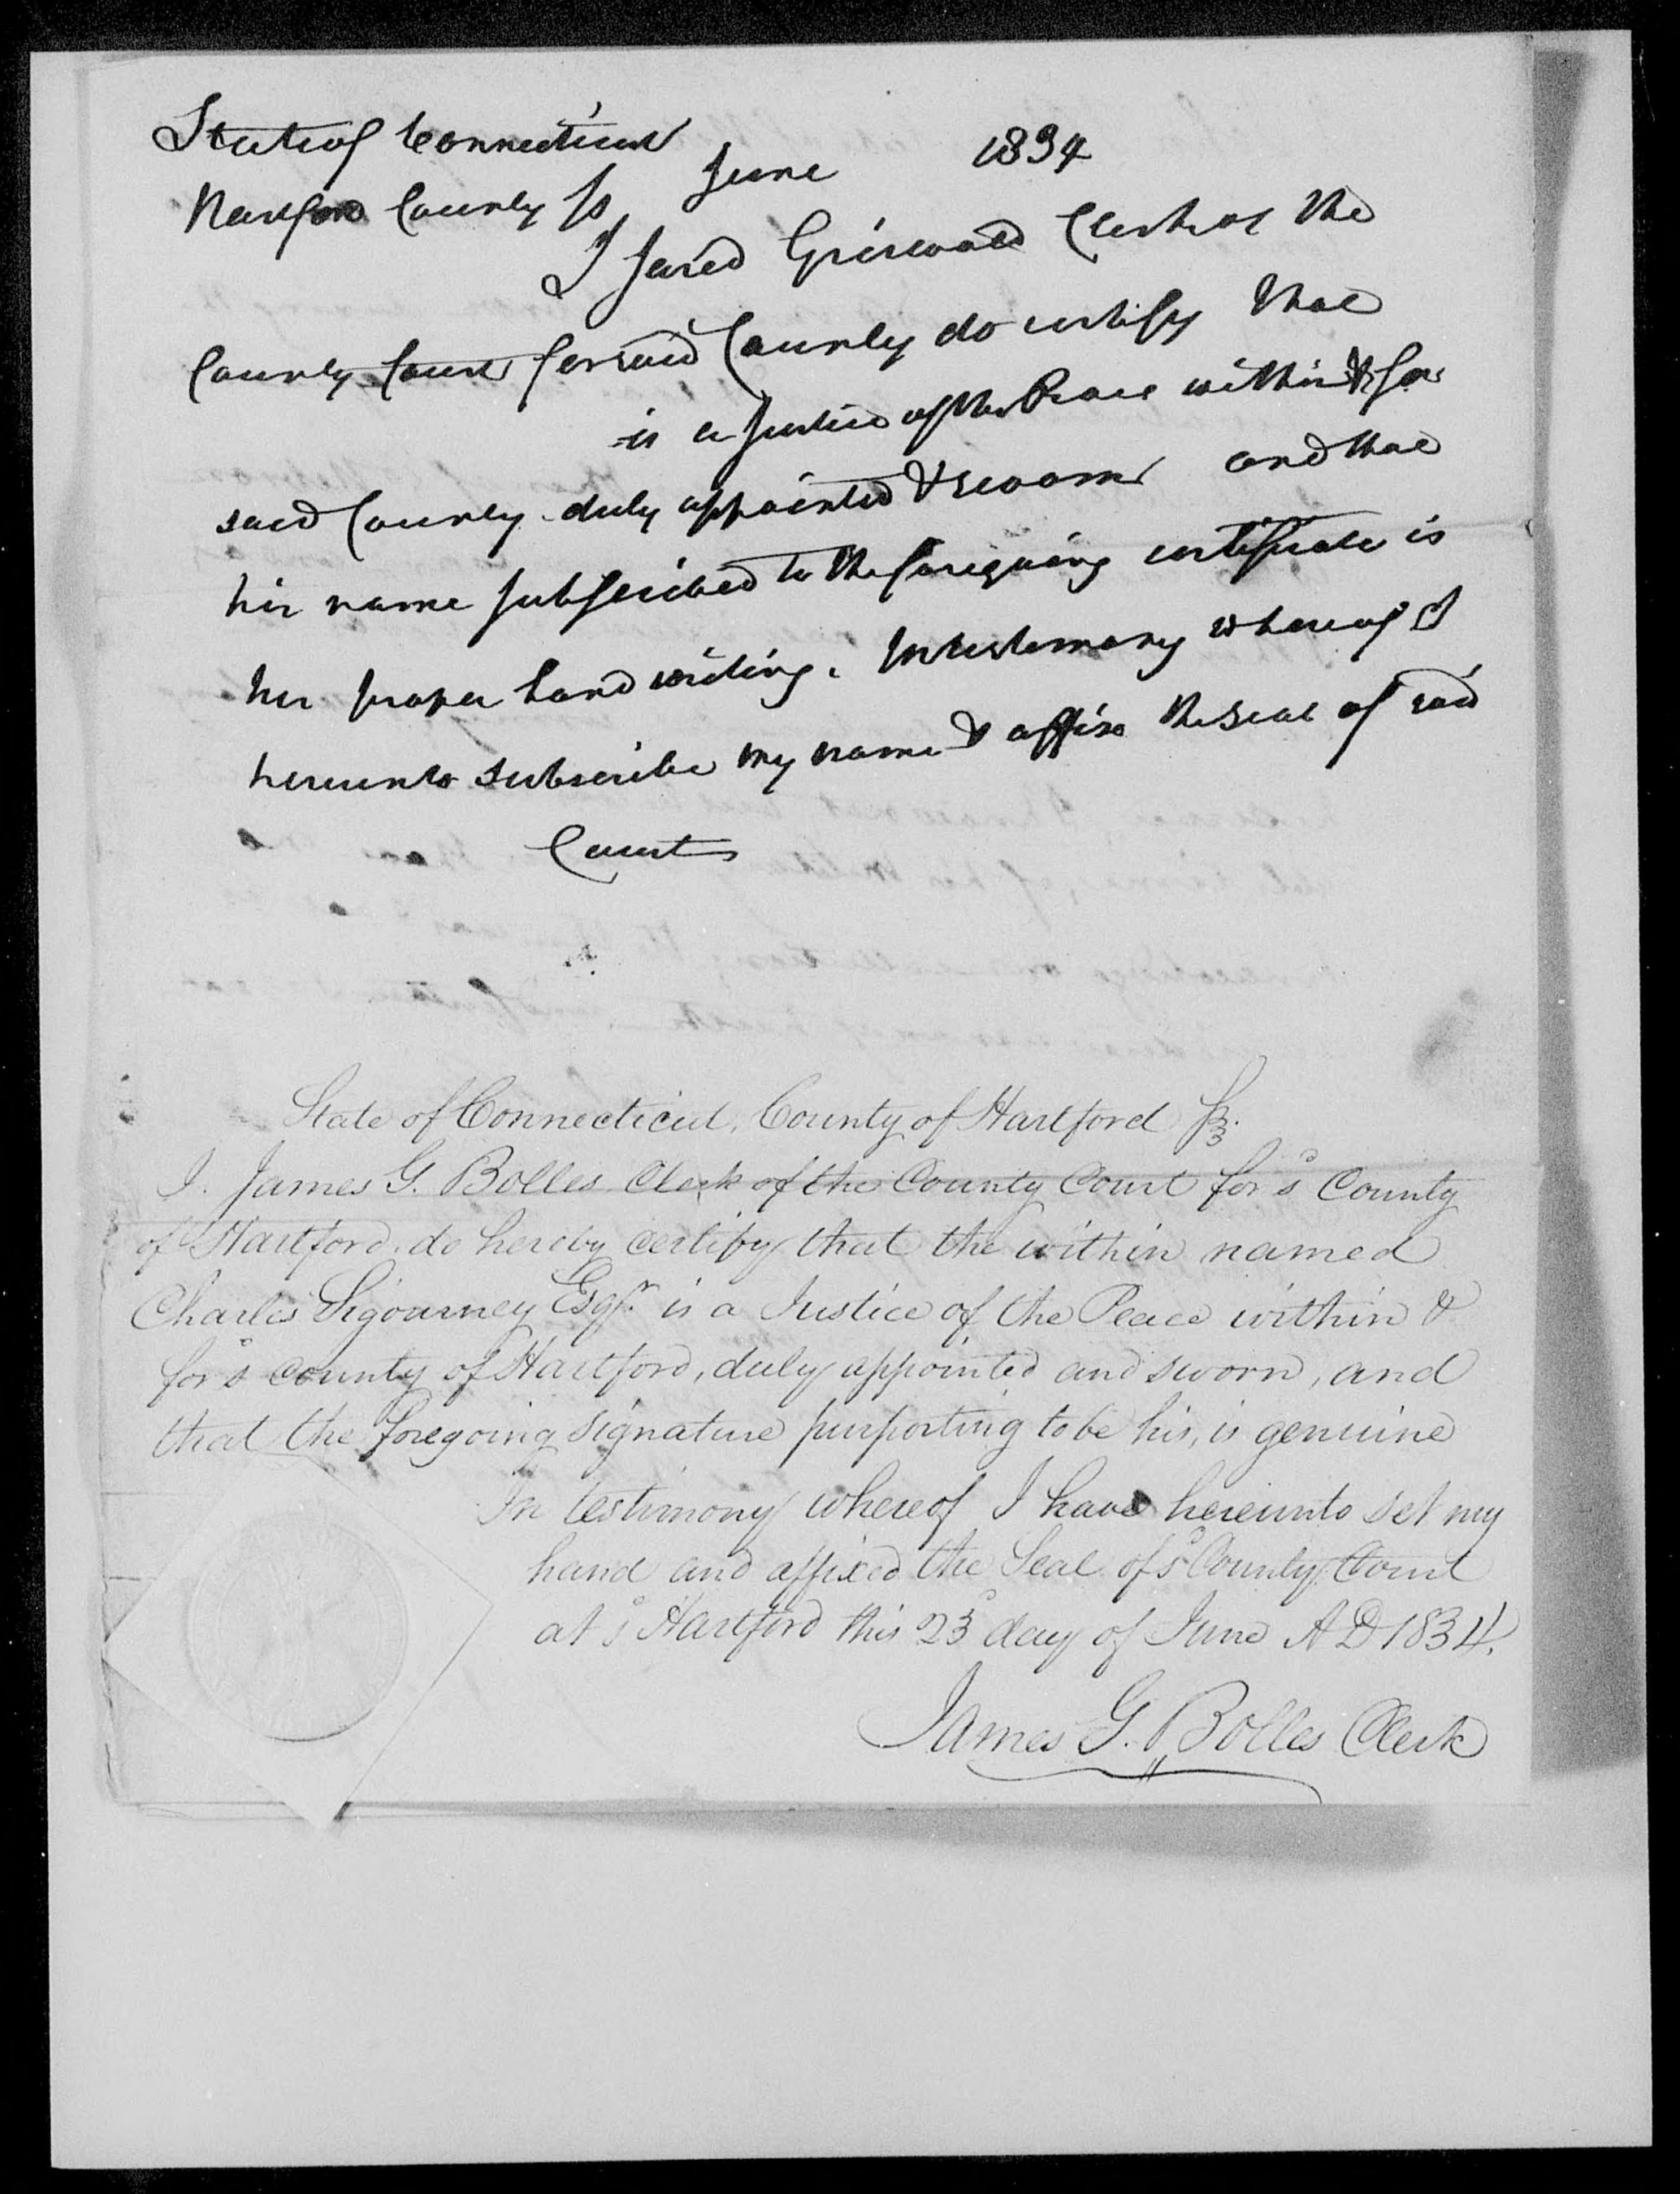State of Connecticut 
Hartford County ss, June 1834   
I Jared Griswold Clerk of the County Court for said County do certify that  -   is a Justice of the Peace within & for said County duly appointed & sworn and that his name subscribed to the foregoing certificate is his proper hand writing. 
In testimony whereof I hereunto subscribe my name & affix the seal of said Court 
State of Connecticut, 
County of Hartford ss. I James G. Bolles Clerk of the County Court for said County of Hartford, do hereby certify that the within named  Charles Sigourney Esq is a Justice of the Peace within & for s County of Hartford, duly appointed and sworn, and that the foregoing signature purporting to be his, is genuine  
In testimony whereof I have hereunto set my hand and affixed the Seal of saod County Court at Hartford this 23 day of June AD 1834, 
James G. Bolles Clerk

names: Jared Griswald; Charles Sigourney; James G Bolles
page: 41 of 73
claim: widow's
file: W. 2338, for Joseph P Peters, Connecticut